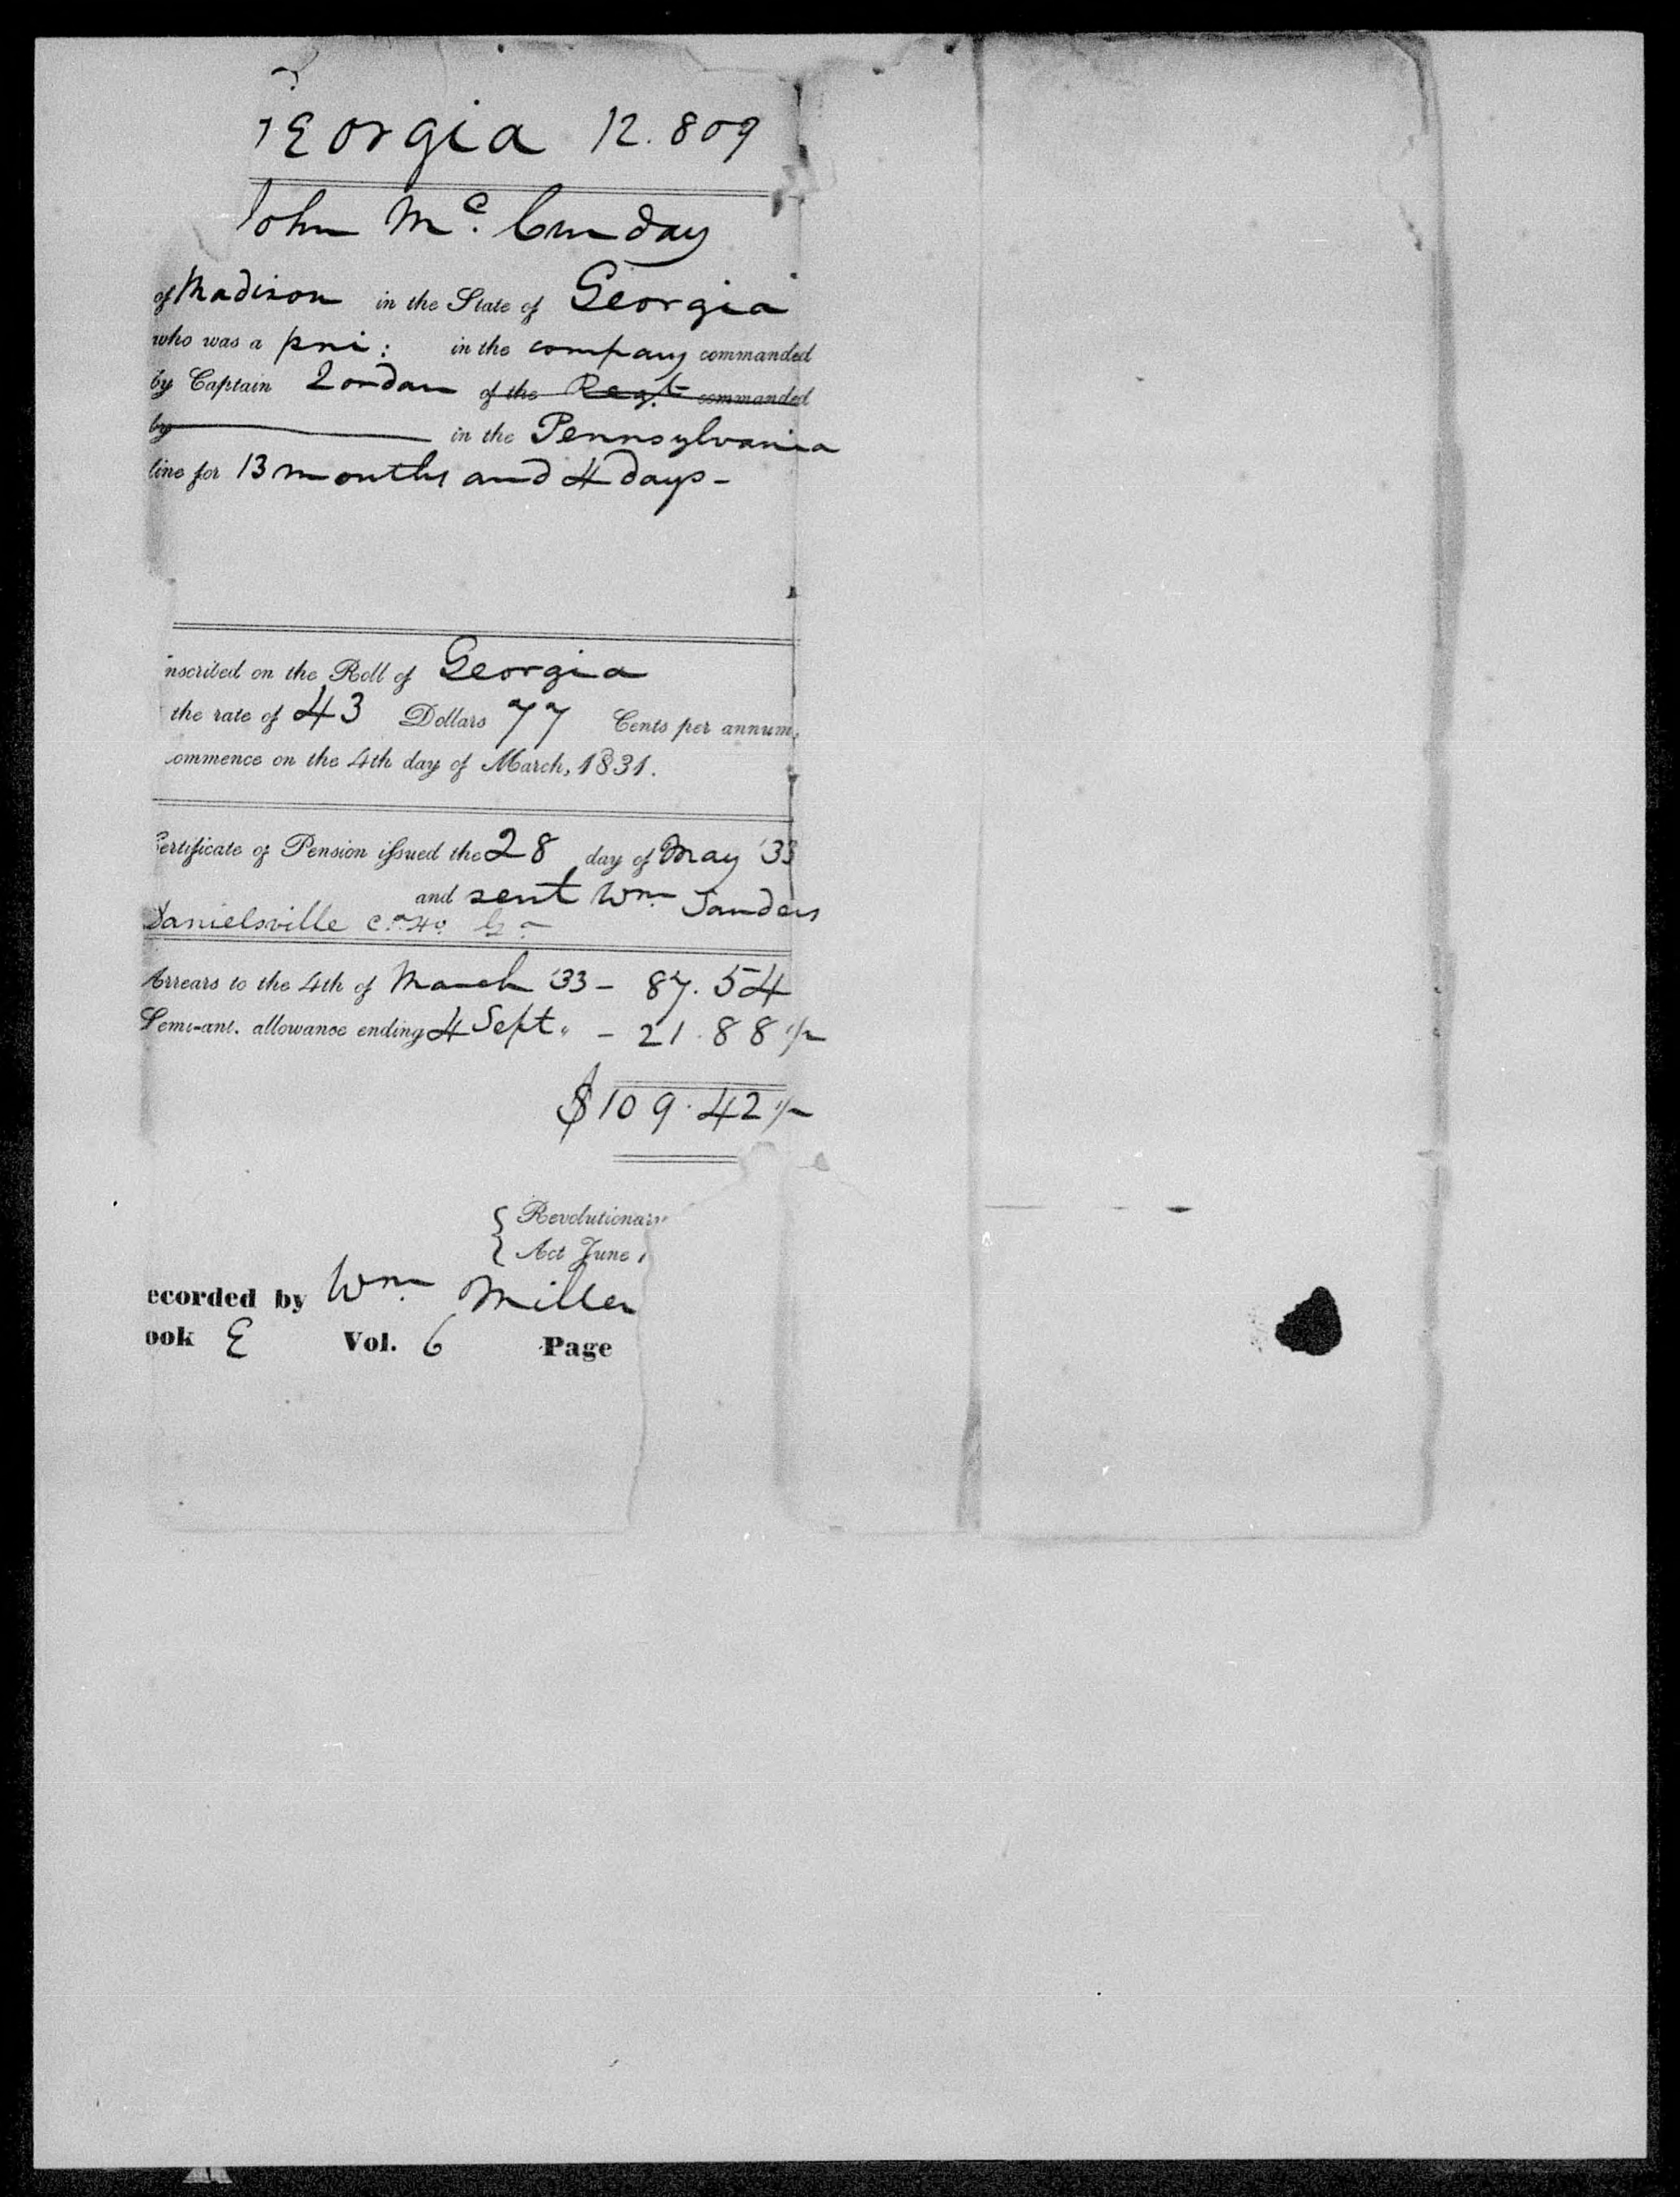Georgia 12.809

John McCurday of Madison
in the State of Georgia
who was a priv?
in the company commanded
by Captain Jordan of the (Regt command by-crossed out)
in the Pennsylvania line
for 13 months and 4 days.

inscribed on the Roll of Georgia at
the rate of 43 Dollars 77 Cents per annum
commence on the 4th day of March, 1831.

Certificate of Pension issued the 28 day of May '33
and sent Wm Sanders
Danielsville (indecipherable)
-
Arrears to the 4th of March 33 - 87.54
Semi-anl. allowance ending 4 Sept. 21.88
$10942 ½

Revolutionary Act June
Recorded by Wm Miller
Book E   Vol. 6   Page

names: Wm Zordan; [BLANK] Zordan; John Mc Curday; Wm Miller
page: 2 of 19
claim: survivor's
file: S. 31,855, for John Mc Curdy, Pennsylvania